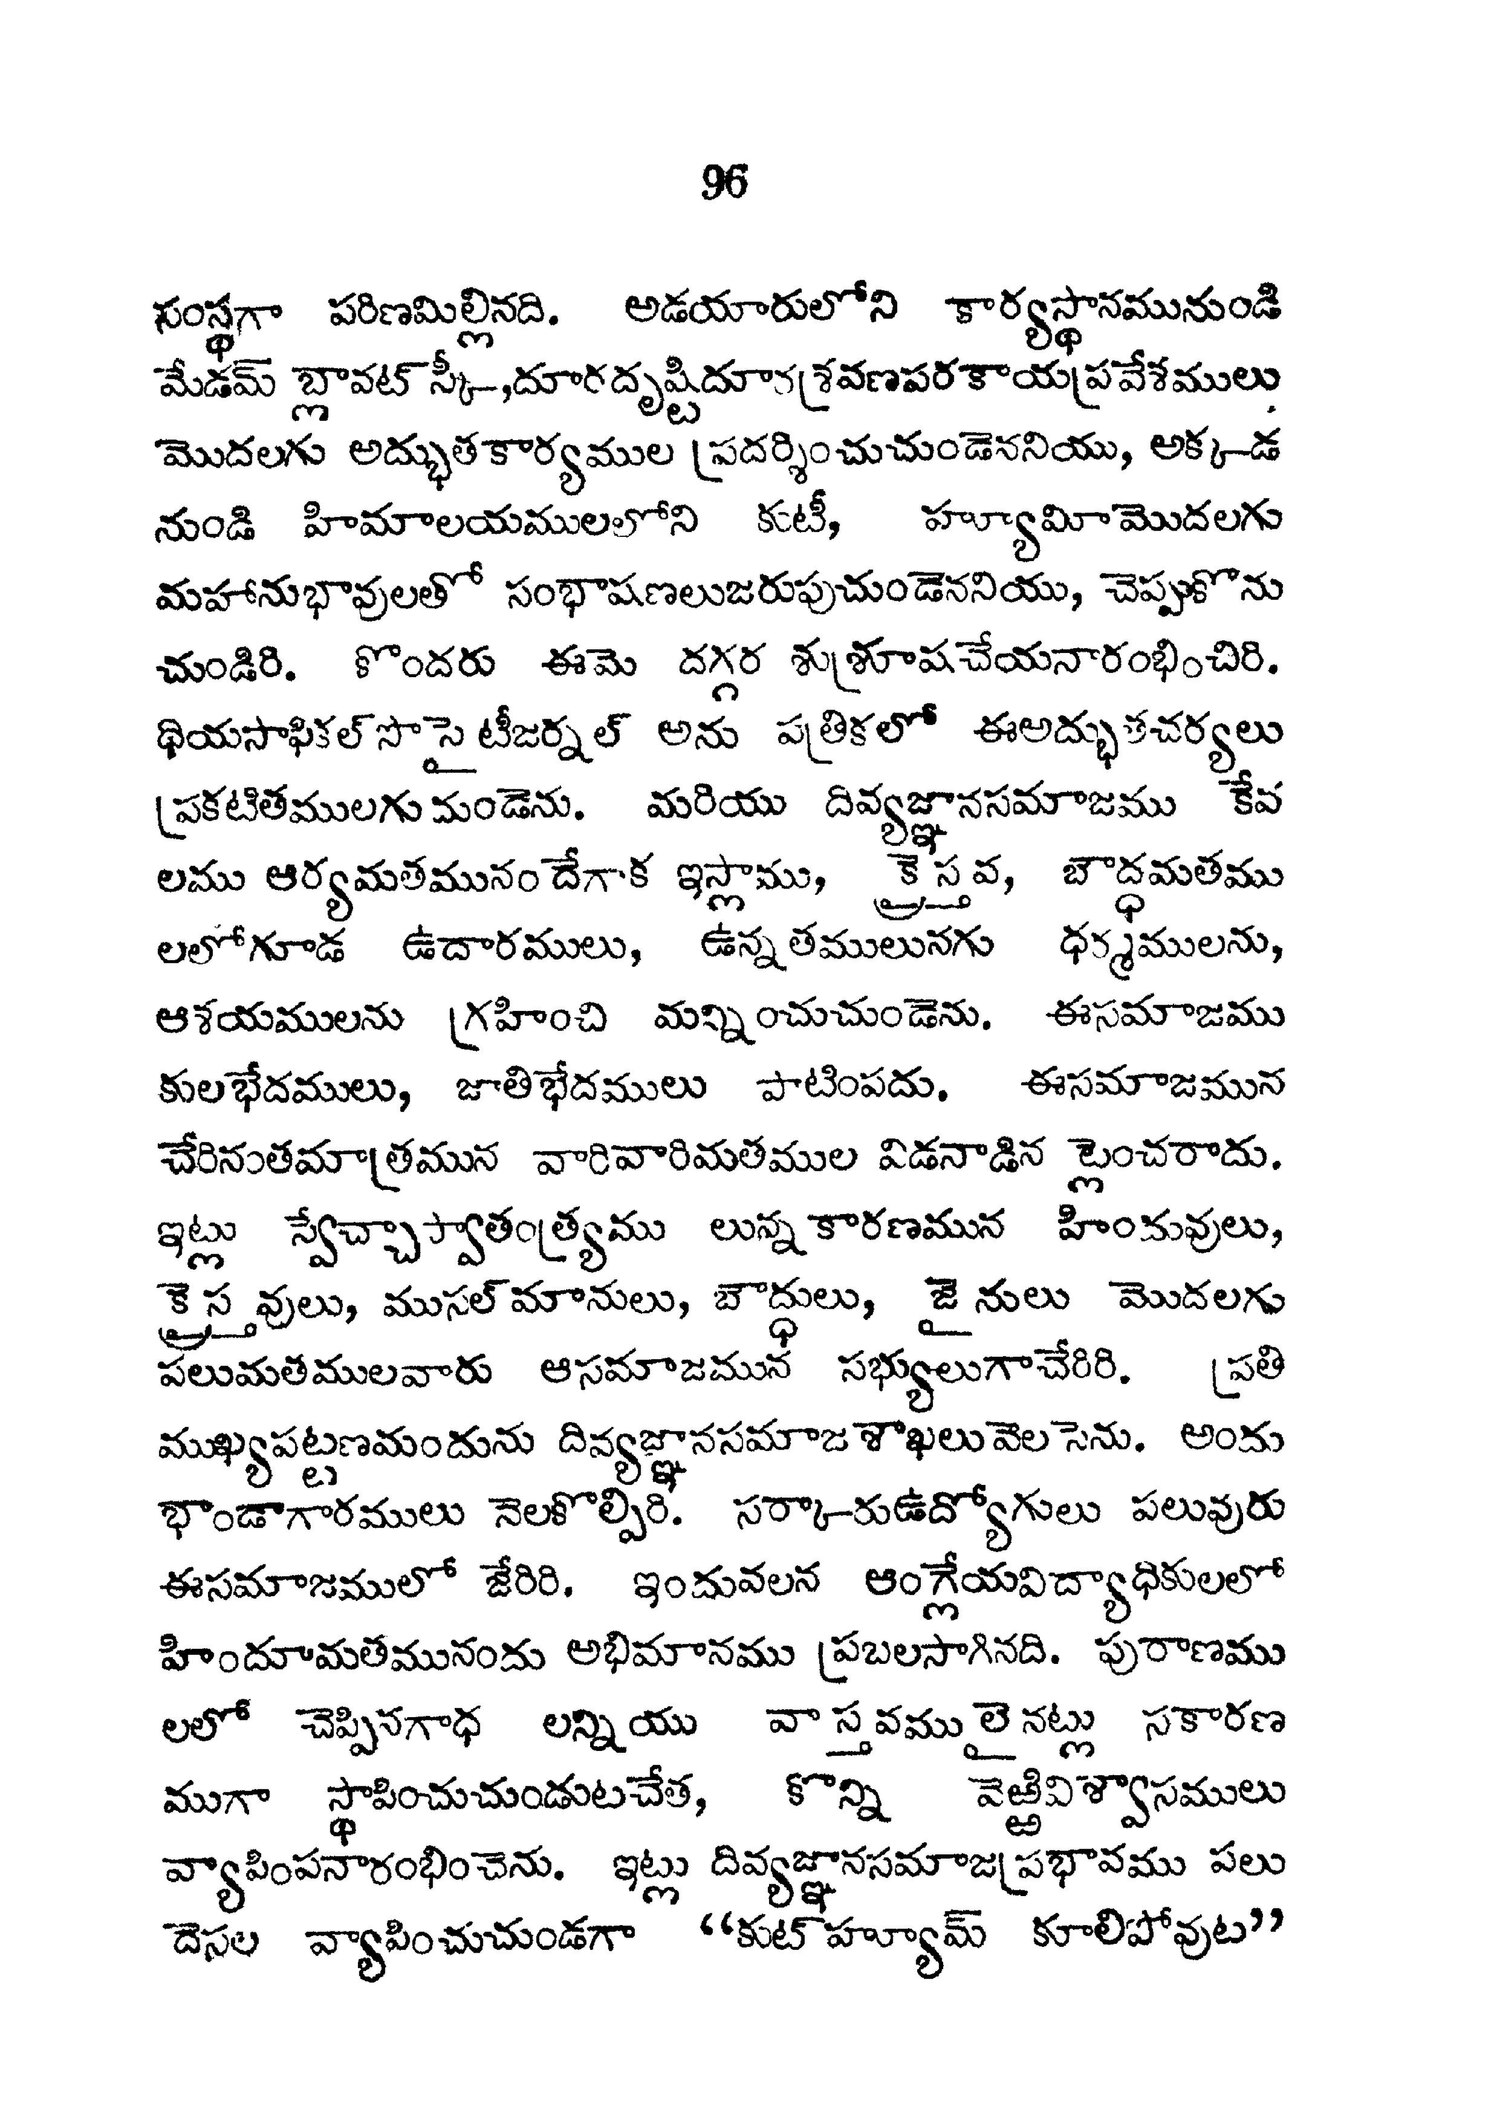సంస్థగా పరిణమిల్లినది. అడయారులోని కార్యస్థానమునుండి మేడమ్ బ్లావట్‌స్కీ, దూరదృష్టి దూరశ్రవణపరకాయప్రవేశములు మొదలగు అద్భుతకార్యముల ప్రదర్శించుచుండెననియు, అక్కడ నుండి హిమాలయములలోని కుటీ, హ్యూమీ మొదలగు మహానుభావులతో సంభాషణలు జరుపుచుండెననియు, చెప్పుకొనుచుండిరి. కొందరు ఈమె దగ్గర శుశ్రూషచేయనారంభించిరి. థియసాఫికల్ సొసైటీజర్నల్ అను పత్రికలో ఈఅద్భుతచర్యలు ప్రకటితములగుచుండెను. మరియు దివ్యజ్ఞానసమాజము కేవలము ఆర్యమతమునందేగాక ఇస్లాము, క్రైస్తవ, బౌద్ధమతములలోగూడ ఉదారములు, ఉన్నతములునగు ధర్మములను, ఆశయములను గ్రహించి మన్నించుచుండెను. ఈసమాజము కులభేదములు, జాతిభేదములు పాటింపదు. ఈసమాజమున చేరినంతమాత్రమున వారివారిమతముల విడనాడిన ట్లెంచరాదు. ఇట్లు స్వేచ్చాస్వాతంత్ర్యము లున్నకారణమున హిందువులు, క్రైస్తవులు, ముసల్‌మానులు, బౌద్ధులు, జైనులు మొదలగు పలుమతములవారు ఆసమాజమున సభ్యులుగాచేరిరి. ప్రతి ముఖ్యపట్టణమునందును దివ్యజ్ఞానసమాజశాఖలువెలసెను. అందు భాండాగారములు నెలకొల్పిరి. సర్కారు ఉద్యోగులు పలువురు ఈసమాజములో జేరిరి. ఇందువలన ఆంగ్లేయవిద్యాధికులలో హిందూమతమునందు అభిమానము ప్రబలసాగినది. పురాణములలో చెప్పినగాధ లన్నియు వాస్తవములైనట్లు సకారణముగా స్థాపించుచుండుటచేత, కొన్ని వెఱ్ఱివిశ్వాసములు వ్యాపింపనారంభించెను. ఇట్లు దివ్యజ్ఞానసమాజప్రభావము పలుదెసల వ్యాపించుచుండగా "కుట్‌హ్యూం కూలిపోవుట"